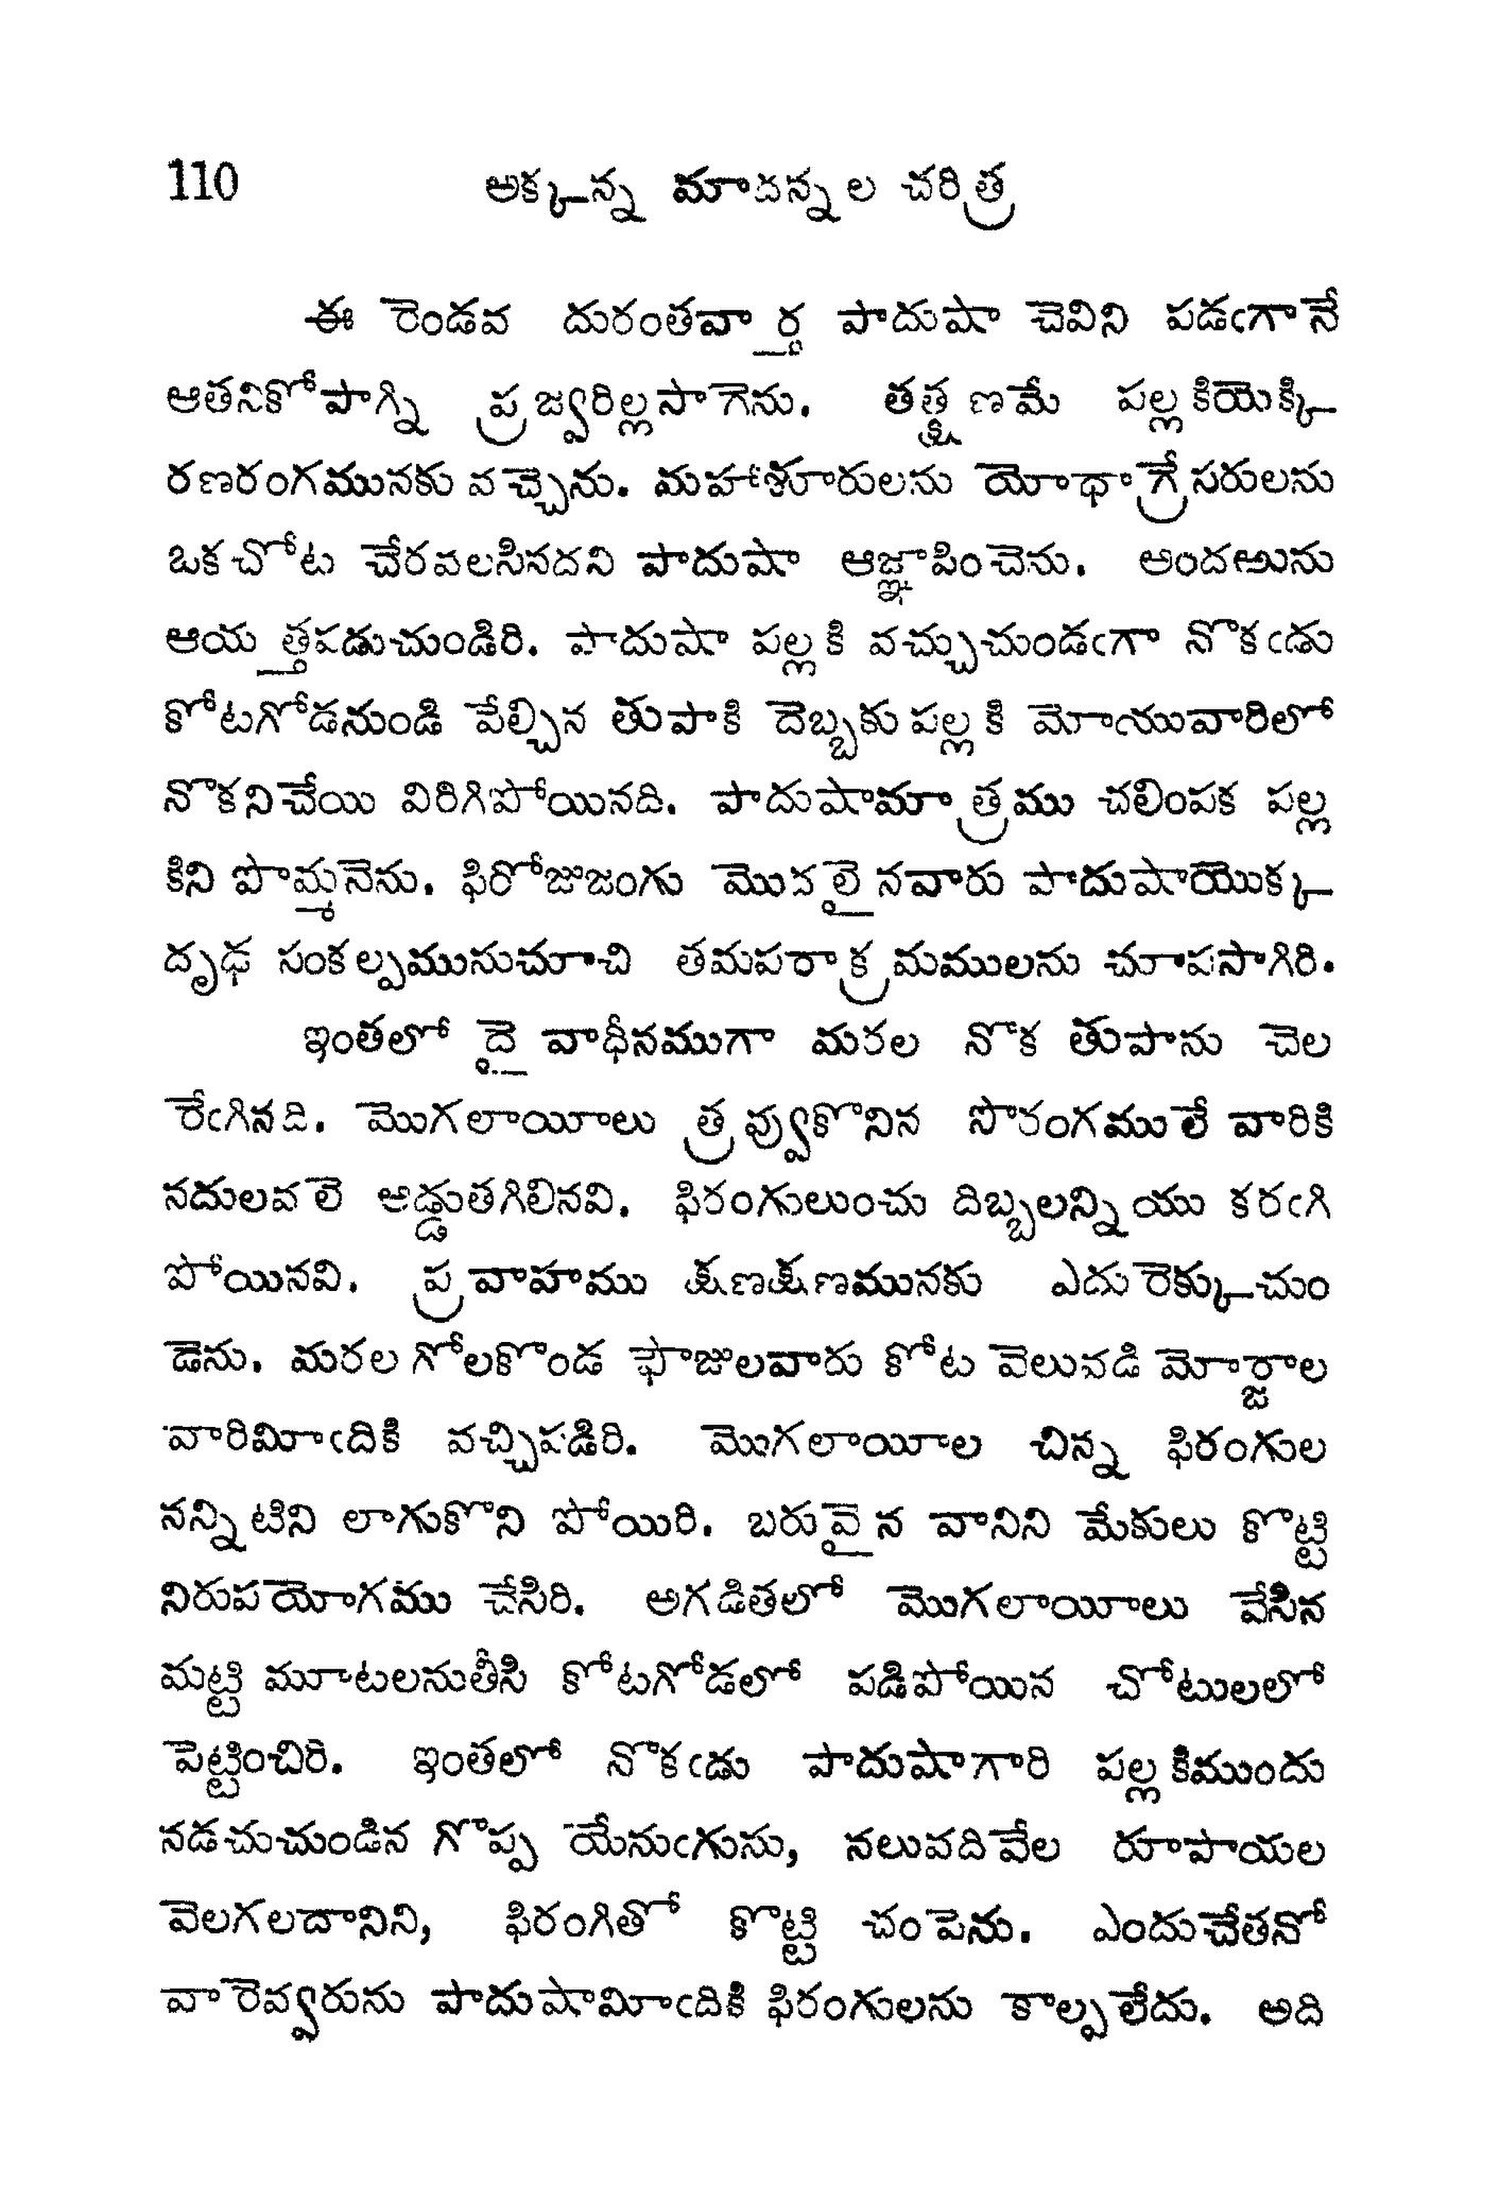ఈ రెండవ దురంతవార్త పాదుషా చెవిని పడఁగానే ఆతనికోపాగ్ని ప్రజ్వరిల్లసాగెను. తత్క్షణమే పల్లకియెక్కి రణరంగమునకు వచ్చెను. మహాశూరులను యోధాగ్రేసరులను ఒక చోట చేరవలసినదని పాదుషా ఆజ్ఞాపించెను. అందఱును ఆయత్తపడుచుండిరి. పాదుషా పల్లకి వచ్చుచుండఁగా నొకఁడు కోటగోడనుండి పేల్చిన తుపాకి దెబ్బకు పల్లకి మోయువారిలో నొకనిచేయి విరిగిపోయినది. పాదుషామాత్రము చలింపక పల్లకిని పొమ్మనెను. ఫిరోజుజంగు మొదలైనవారు పాదుషాయొక్క దృఢ సంకల్పమునుచూచి తమపరాక్రమములను చూపసాగిరి.

ఇంతలో దైవాధీనముగా మరల నొక తుపాను చెలరేఁగినది. మొగలాయీలు త్రవ్వుకొనిన సొరంగములే వారికి నదులవలె అడ్డుతగిలినవి. ఫిరంగులుంచు దిబ్బలన్నియు కరఁగి పోయినవి. ప్రవాహము క్షణక్షణమునకు ఎదురెక్కుచుండెను. మరల గోలకొండ ఫౌజులవారు కోట వెలువడి మోర్జాల వారిమీఁదికి వచ్చిపడిరి. మొగలాయీల చిన్న ఫిరంగుల నన్నిటిని లాగుకొని పోయిరి. బరువైన వానిని మేకులు కొట్టి నిరుపయోగము చేసిరి. అగడితలో మొగలాయీలు వేసిన మట్టి మూటలనుతీసి కోటగోడలో పడిపోయిన చోటులలో పెట్టించిరి. ఇంతలో నొకఁడు పాదుషాగారి పల్లకిముందు నడచుచుండిన గొప్ప యేనుఁగును, నలువదివేల రూపాయల వెలగలదానిని, ఫిరంగితో కొట్టి చంపెను. ఎందుచేతనో వారెవ్వరును పాదుషామీఁదికి ఫిరంగులను కాల్పలేదు. అది